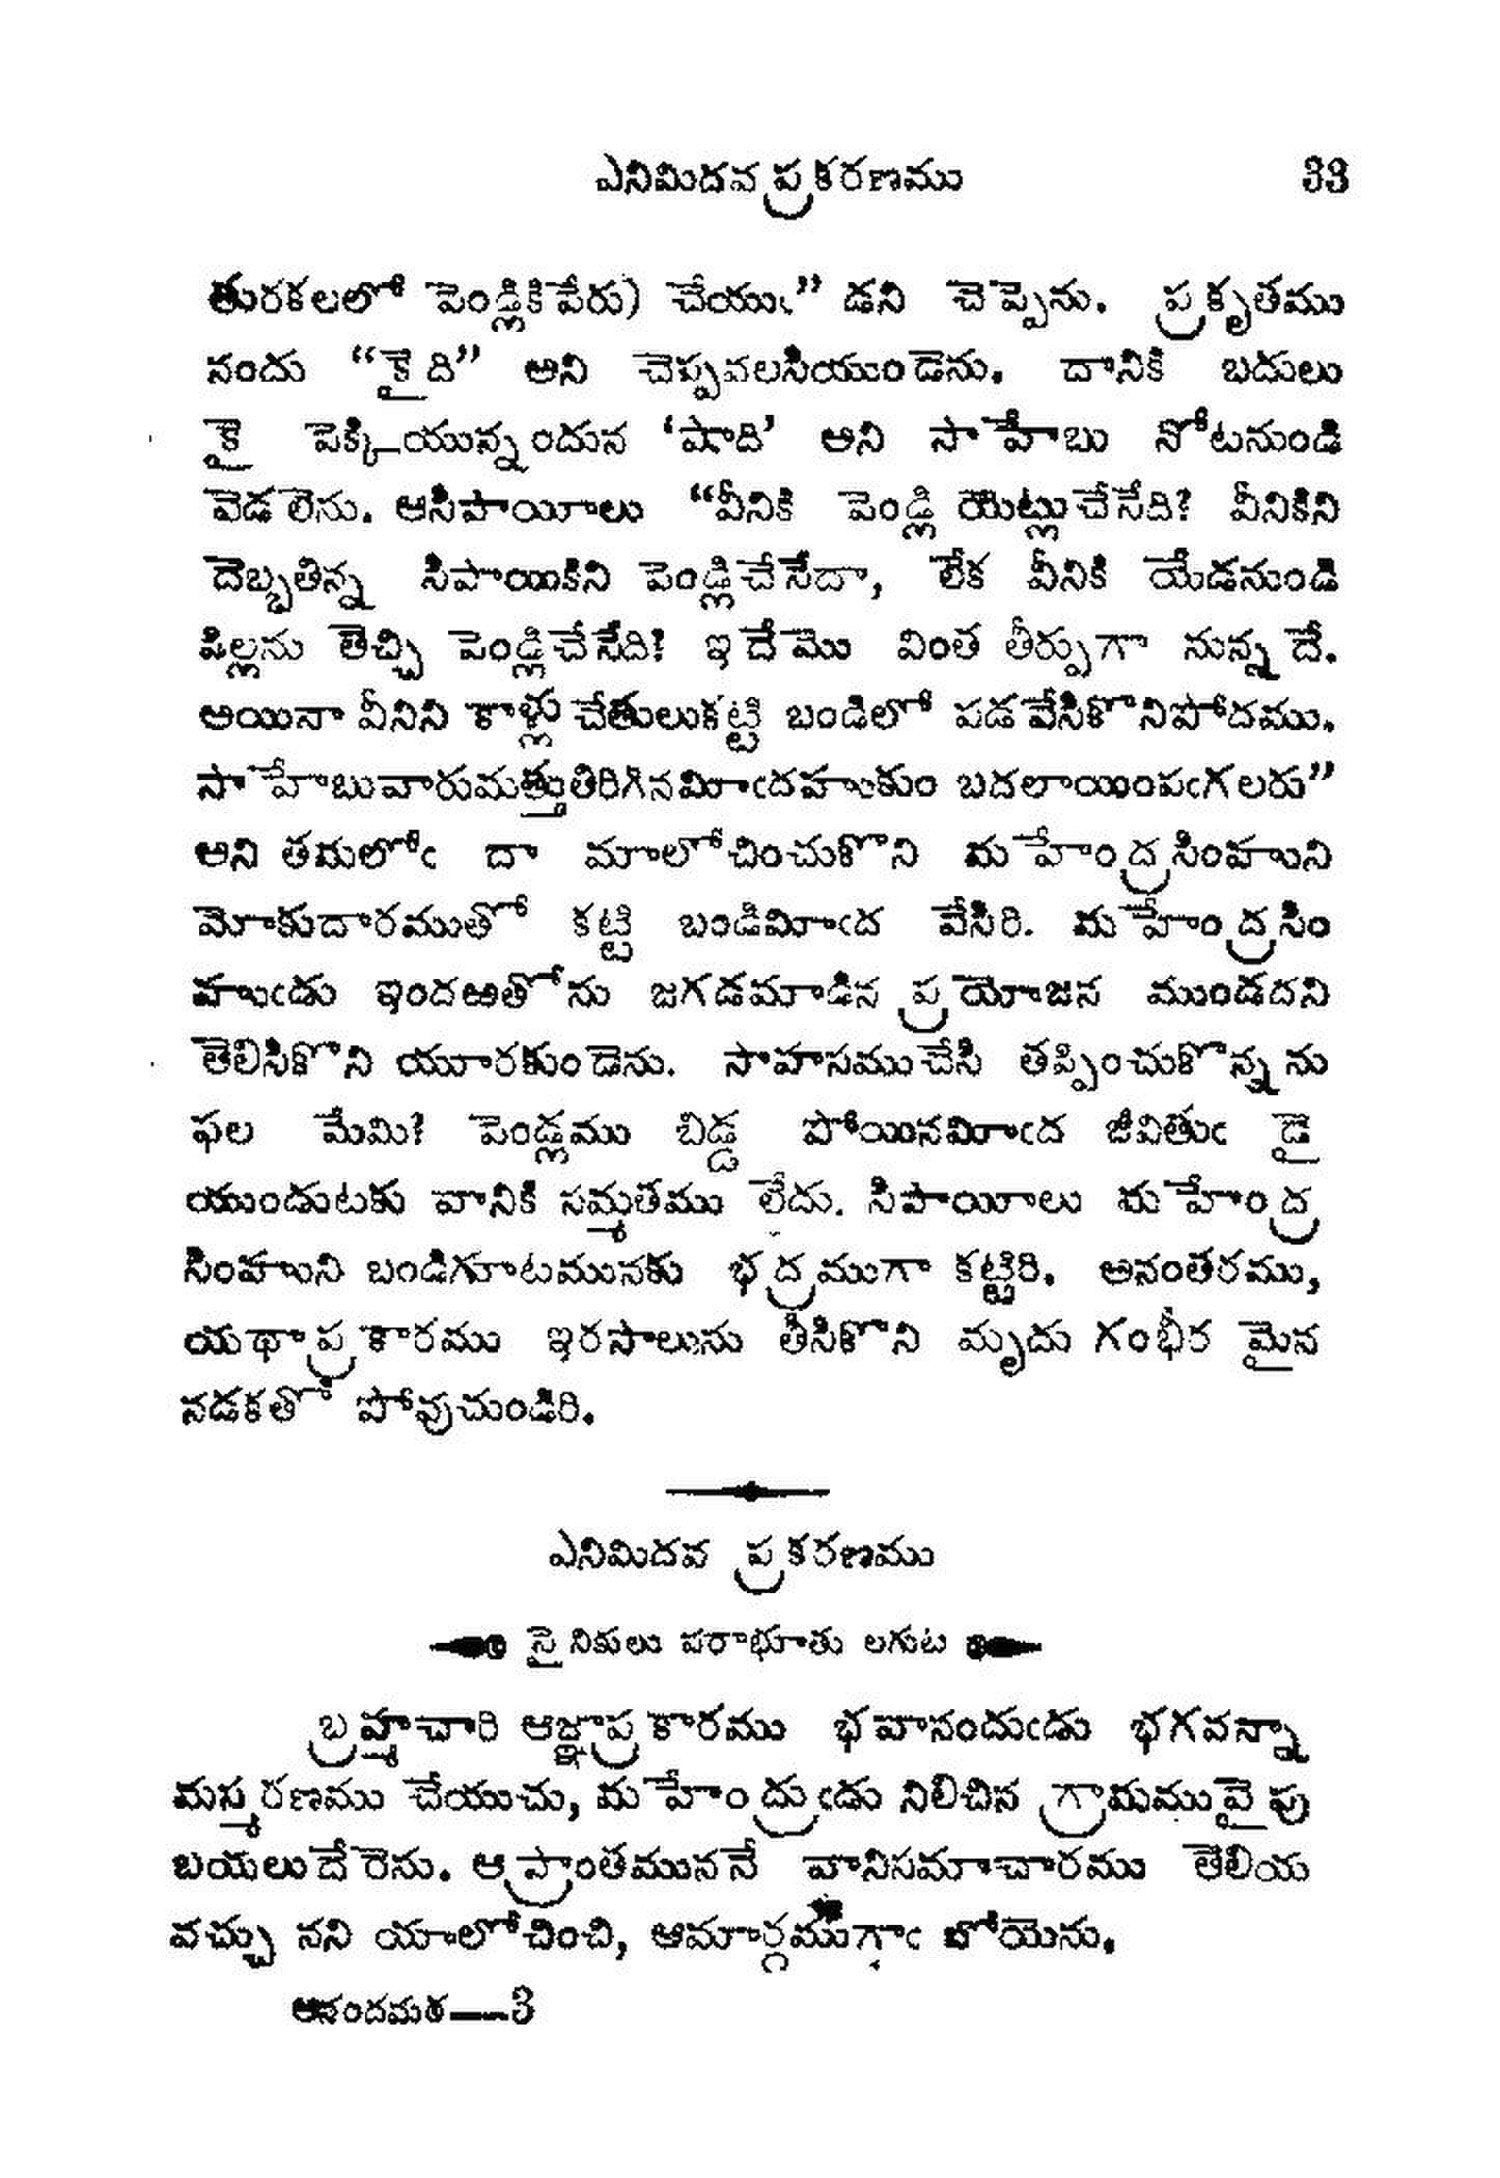తురకలలో "పెండ్లికి పేరు) చేయు " డని చెప్పెను. ప్రకృతము నందు "కైది” అని చెప్పవలసియుండెను. దానికి బదులు కై పెక్కియున్నందున 'షాది' అని సాహేబు నోటనుండి వెడలెను. ఆసిపాయీలు “వీనికి పెండ్లి యెట్లు చేసేది? వీనికిని దెబ్బతిన్న సిపొయికిని పెండ్లి చేసేదా, లేక వీనికి యేడనుండి పిల్లను తెచ్చి పెండ్లి చేసేది? ఇదేమొ వింత తీర్పుగా నున్నదే. అయినా వీనిని కాళ్లు చేతులుకట్టి బండిలో పడ వేసికొనిపోదము, సాహేబు వారుమత్తు తిరిగిన మీఁదహుకుం బదలాయింపఁగలరు” అని తమలోఁ దా మాలోచించుకొని మహేంద్ర సింహుని మోకుదారముతో కట్టి బండిమీఁద వేసిరి. మహేంద్రసింహుఁడు ఇందఱతోను జగడమాడిన ప్రయోజన ముండదని
తెలిసికొని యూరకుండెను. సాహసము చేసి తప్పించుకొన్నను ఫలమేమి? 'పెండ్లము బిడ్డ పోయినమీఁద జీవితుఁ డై యుండుటకు వానికి సమ్మతము లేదు. సిపాయీలు మహేంద్రసింహుని బండిగూటమునకు భద్రముగా కట్టిరి. అనంతరము, యథాప్రకారము ఇరసాలును తీసికొని మృదు గంభీర మైన నడకతో పోవుచుండిరి.

ఎనిమిదవ ప్రకరణము

సైనికులు పరాభూతు లగుట

బ్రహచారి ఆజ్ఞాప్ర కారము భవానందుఁడు భగవన్నామస్మరణము చేయుచు, మహేంద్రుఁడు నిలిచిన గ్రామము వైపు బయలు దేరెను. ఆ ప్రాంతముననే వానిసమాచారము తెలియవచ్చునని యాలోచించి, ఆమార్గముగాఁ బోయెను,